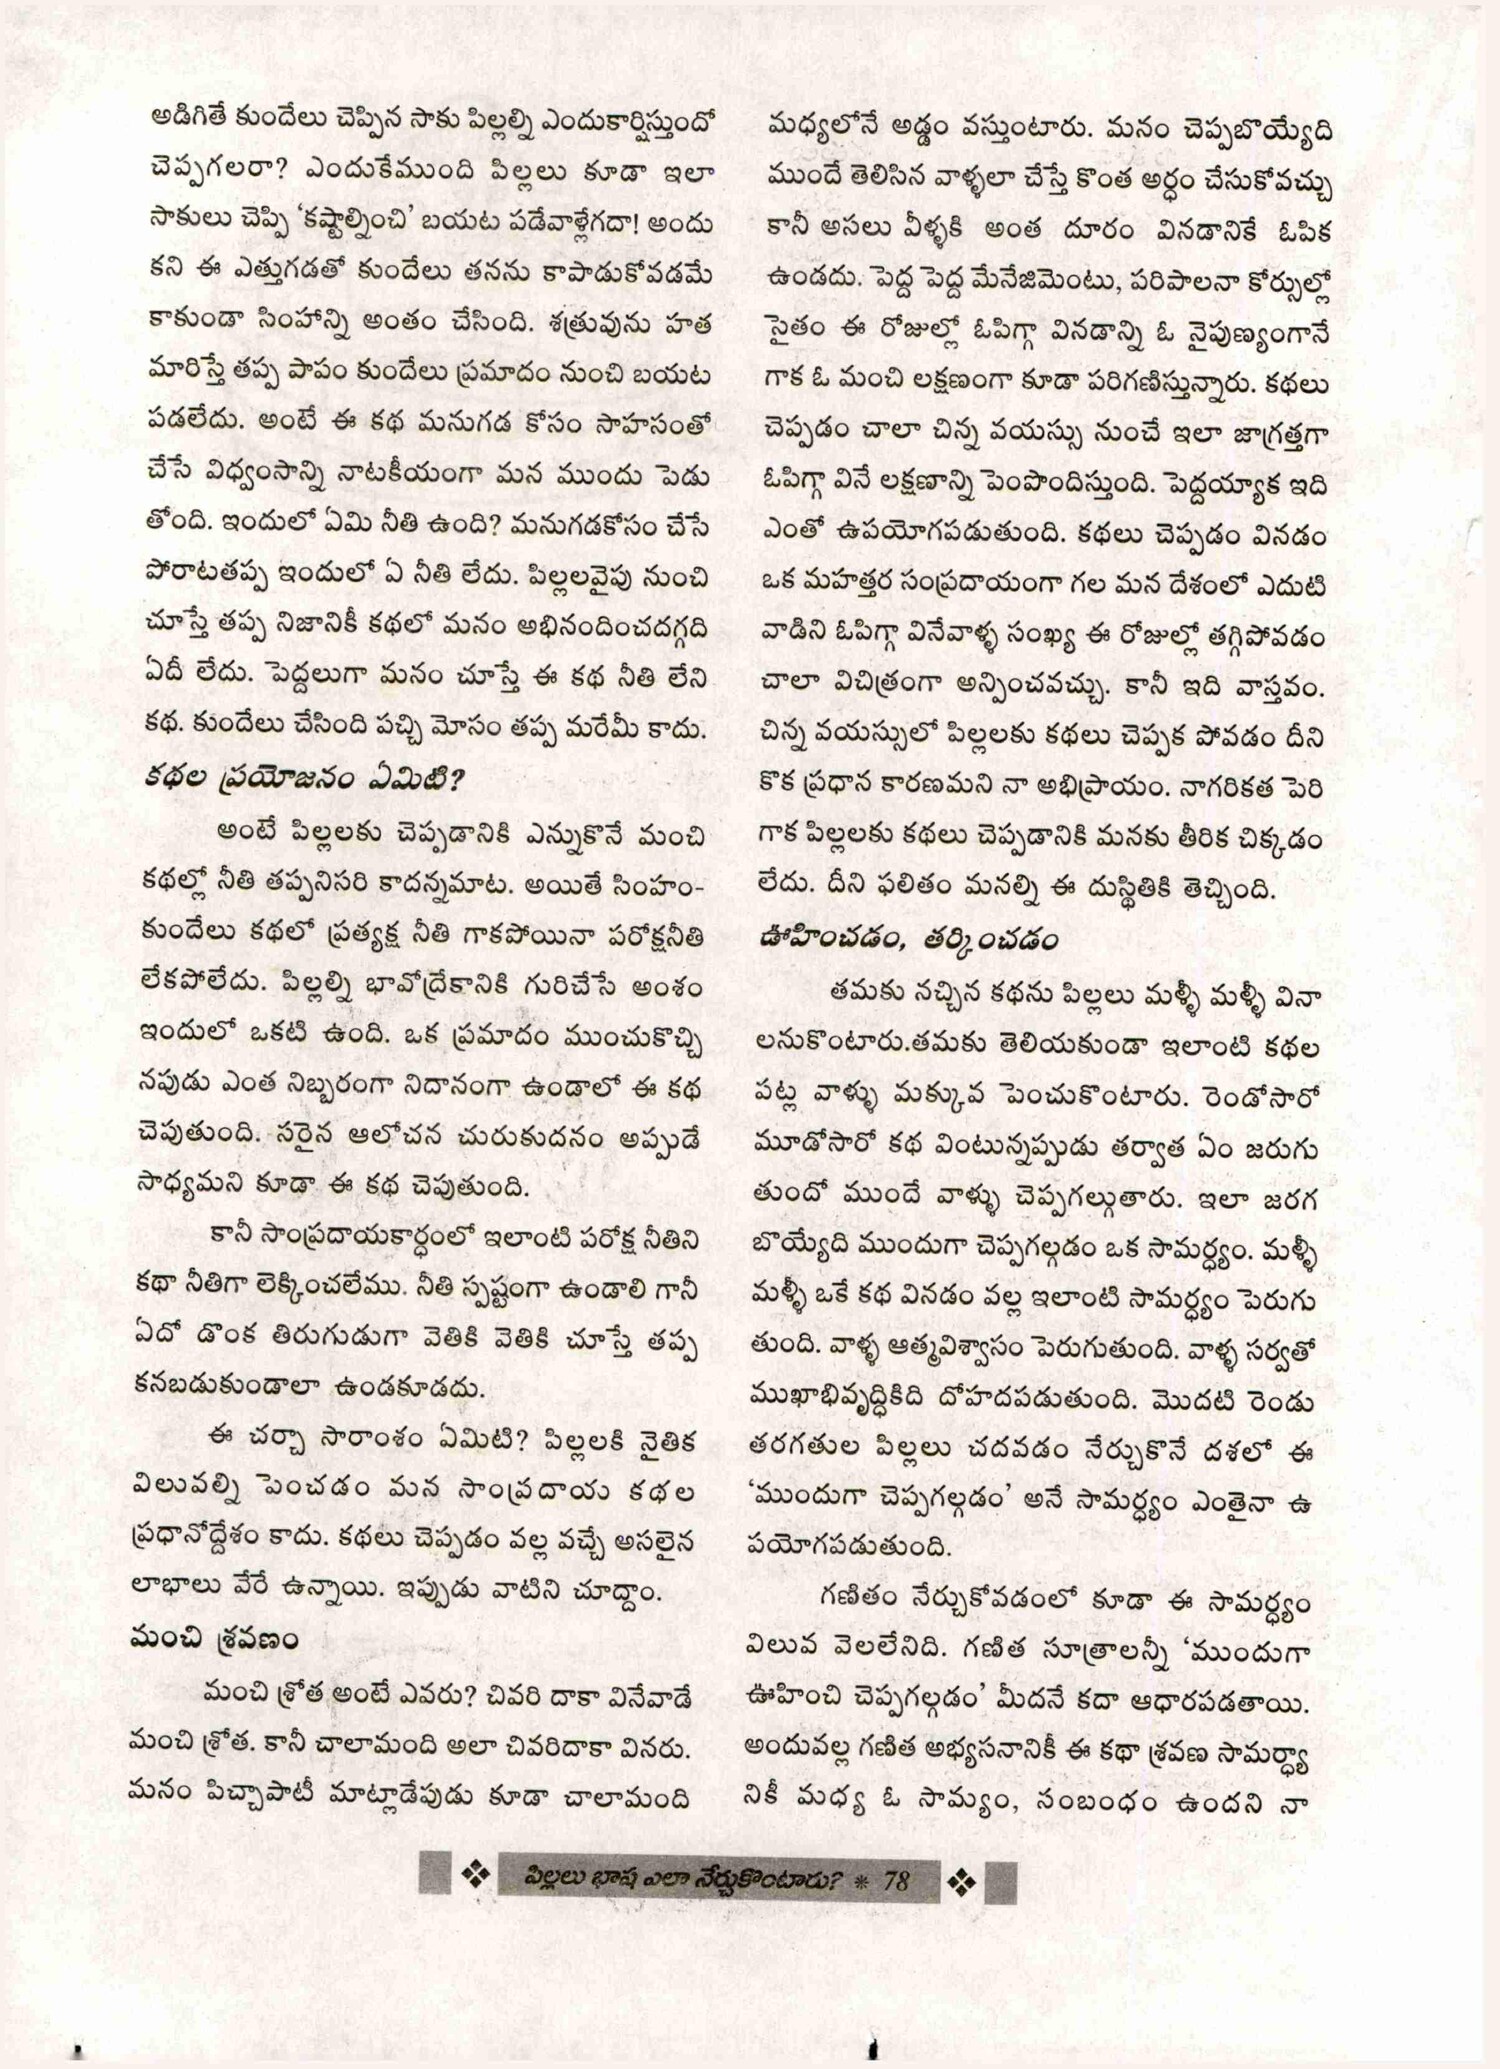అడిగితే కుందేలు చెప్పిన సాకు పిల్లల్ని ఎందుకార్షిస్తుందో చెప్పగలరా? ఎందుకేముంది పిల్లలు కూడా ఇలా సాకులు చెప్పి ‘కష్టాల్నించి బయట పడేవాళ్లేగదా! అందుకని ఈ ఎత్తుగడతో కుందేలు తనను కాపాడుకోవడమే కాకుండా సింహాన్ని అంతం చేసింది. శత్రువును హతమారిస్తే తప్ప పాపం కుందేలు ప్రమాదం నుంచి బయట పడలేదు. అంటే ఈ కథ మనుగడ కోసం సాహసంతో చేసే విధ్వంసాన్ని నాటకీయంగా మన ముందు పెడుతోంది. ఇందులో ఏమి నీతి ఉంది? మనుగడకోసం చేసే పోరాటతప్ప ఇందులో ఏ నీతి లేదు. పిల్లలవైపు నుంచి చూస్తే తప్ప నిజానికీ కథలో మనం అభినందించదగ్గది ఏదీ లేదు. పెద్దలుగా మనం చూస్తే ఈ కథ నీతి లేని కథ. కుందేలు చేసింది పచ్చి మోసం తప్ప మరేమీ కాదు.

కథల ప్రయోజనం ఏమిటి?

అంటే పిల్లలకు చెప్పడానికి ఎన్నుకొనే మంచి కథల్లో నీతి తప్పనిసరి కాదన్నమాట. అయితే సింహం-కుందేలు కథలో ప్రత్యక్ష నీతి గాకపోయినా పరోక్షనీతి లేకపోలేదు. పిల్లల్ని భావోద్రేకానికి గురిచేసే అంశం ఇందులో ఒకటి ఉంది. ఒక ప్రమాదం ముంచుకొచ్చినపుడు ఎంత నిబ్బరంగా నిదానంగా ఉండాలో ఈ కథ చెపుతుంది. సరైన ఆలోచన చురుకుదనం అప్పుడే సాధ్యమని కూడా ఈ కథ చెపుతుంది.

కానీ సాంప్రదాయకార్ధంలో ఇలాంటి పరోక్ష నీతిని కథా నీతిగా లెక్కించలేము. నీతి స్పష్టంగా ఉండాలి గానీ ఏదో డొంక తిరుగుడుగా వెతికి వెతికి చూస్తే తప్ప కనబడుకుండాలా ఉండకూడదు.

ఈ చర్చా సారాంశం ఏమిటి? పిల్లలకి నైతిక విలువల్ని పెంచడం మన సాంప్రదాయ కథల ప్రధానోద్దేశం కాదు. కథలు చెప్పడం వల్ల వచ్చే అసలైన లాభాలు వేరే ఉన్నాయి. ఇప్పుడు వాటిని చూద్దాం.

మంచి శ్రవణం

మంచి శ్రోత అంటే ఎవరు? చివరి దాకా వినేవాడే మంచి శ్రోత. కానీ చాలామంది అలా చివరిదాకా వినరు. మనం పిచ్చాపాటీ మాట్లాడేపుడు కూడా చాలామంది మధ్యలోనే అడ్డం వస్తుంటారు. మనం చెప్పబొయ్యేది ముందే తెలిసిన వాళ్ళలా చేస్తే కొంత అర్ధం చేసుకోవచ్చు కానీ అసలు వీళ్ళకి అంత దూరం వినడానికే ఓపిక ఉండదు. పెద్ద పెద్ద మేనేజిమెంటు, పరిపాలనా కోర్సుల్లో సైతం ఈ రోజుల్లో ఓపిగ్గా వినడాన్ని ఓ నైపుణ్యంగానే గాక ఓ మంచి లక్షణంగా కూడా పరిగణిస్తున్నారు. కథలు చెప్పడం చాలా చిన్న వయస్సు నుంచే ఇలా జాగ్రత్తగా ఓపిగ్గా వినే లక్షణాన్ని పెంపొందిస్తుంది. పెద్దయ్యాక ఇది ఎంతో ఉపయోగపడుతుంది. కథలు చెప్పడం వినడం ఒక మహత్తర సంప్రదాయంగా గల మన దేశంలో ఎదుటి వాడిని ఓపిగ్గా వినేవాళ్ళ సంఖ్య ఈ రోజుల్లో తగ్గిపోవడం చాలా విచిత్రంగా అన్పించవచ్చు. కానీ ఇది వాస్తవం. చిన్న వయస్సులో పిల్లలకు కథలు చెప్పక పోవడం దీని కొక ప్రధాన కారణమని నా అభిప్రాయం. నాగరికత పెరిగాక పిల్లలకు కథలు చెప్పడానికి మనకు తీరిక చిక్కడం లేదు. దీని ఫలితం మనల్ని ఈ దుస్థితికి తెచ్చింది.

ఊహించడం, తర్కించడం

తమకు నచ్చిన కథను పిల్లలు మళ్ళీ మళ్ళీ వినాలనుకొంటారు. తమకు తెలియకుండా ఇలాంటి కథల పట్ల వాళ్ళు మక్కువ పెంచుకొంటారు. రెండోసారో మూడోసారో కథ వింటున్నప్పుడు తర్వాత ఏం జరుగుతుందో ముందే వాళ్ళు చెప్పగల్గుతారు. ఇలా జరగబొయ్యేది ముందుగా చెప్పగల్గడం ఒక సామర్ధ్యం. మళ్ళీ మళ్ళీ ఒకే కథ వినడం వల్ల ఇలాంటి సామర్ధ్యం పెరుగుతుంది. వాళ్ళ ఆత్మవిశ్వాసం పెరుగుతుంది. వాళ్ళ సర్వతోముఖాభివృద్ధికిది దోహదపడుతుంది. మొదటి రెండు తరగతుల పిల్లలు చదవడం నేర్చుకొనే దశలో ఈ 'ముందుగా చెప్పగల్గడం' అనే సామర్ధ్యం ఎంతైనా ఉపయోగపడుతుంది.

గణితం నేర్చుకోవడంలో కూడా ఈ సామర్ధ్యం విలువ వెలలేనిది. గణిత సూత్రాలన్నీ 'ముందుగా ఊహించి చెప్పగల్గడం' మీదనే కదా ఆధారపడతాయి. అందువల్ల గణిత అభ్యసనానికీ ఈ కథా శ్రవణ సామర్ధ్యానికీ మధ్య ఓ సామ్యం, సంబంధం ఉందని నా